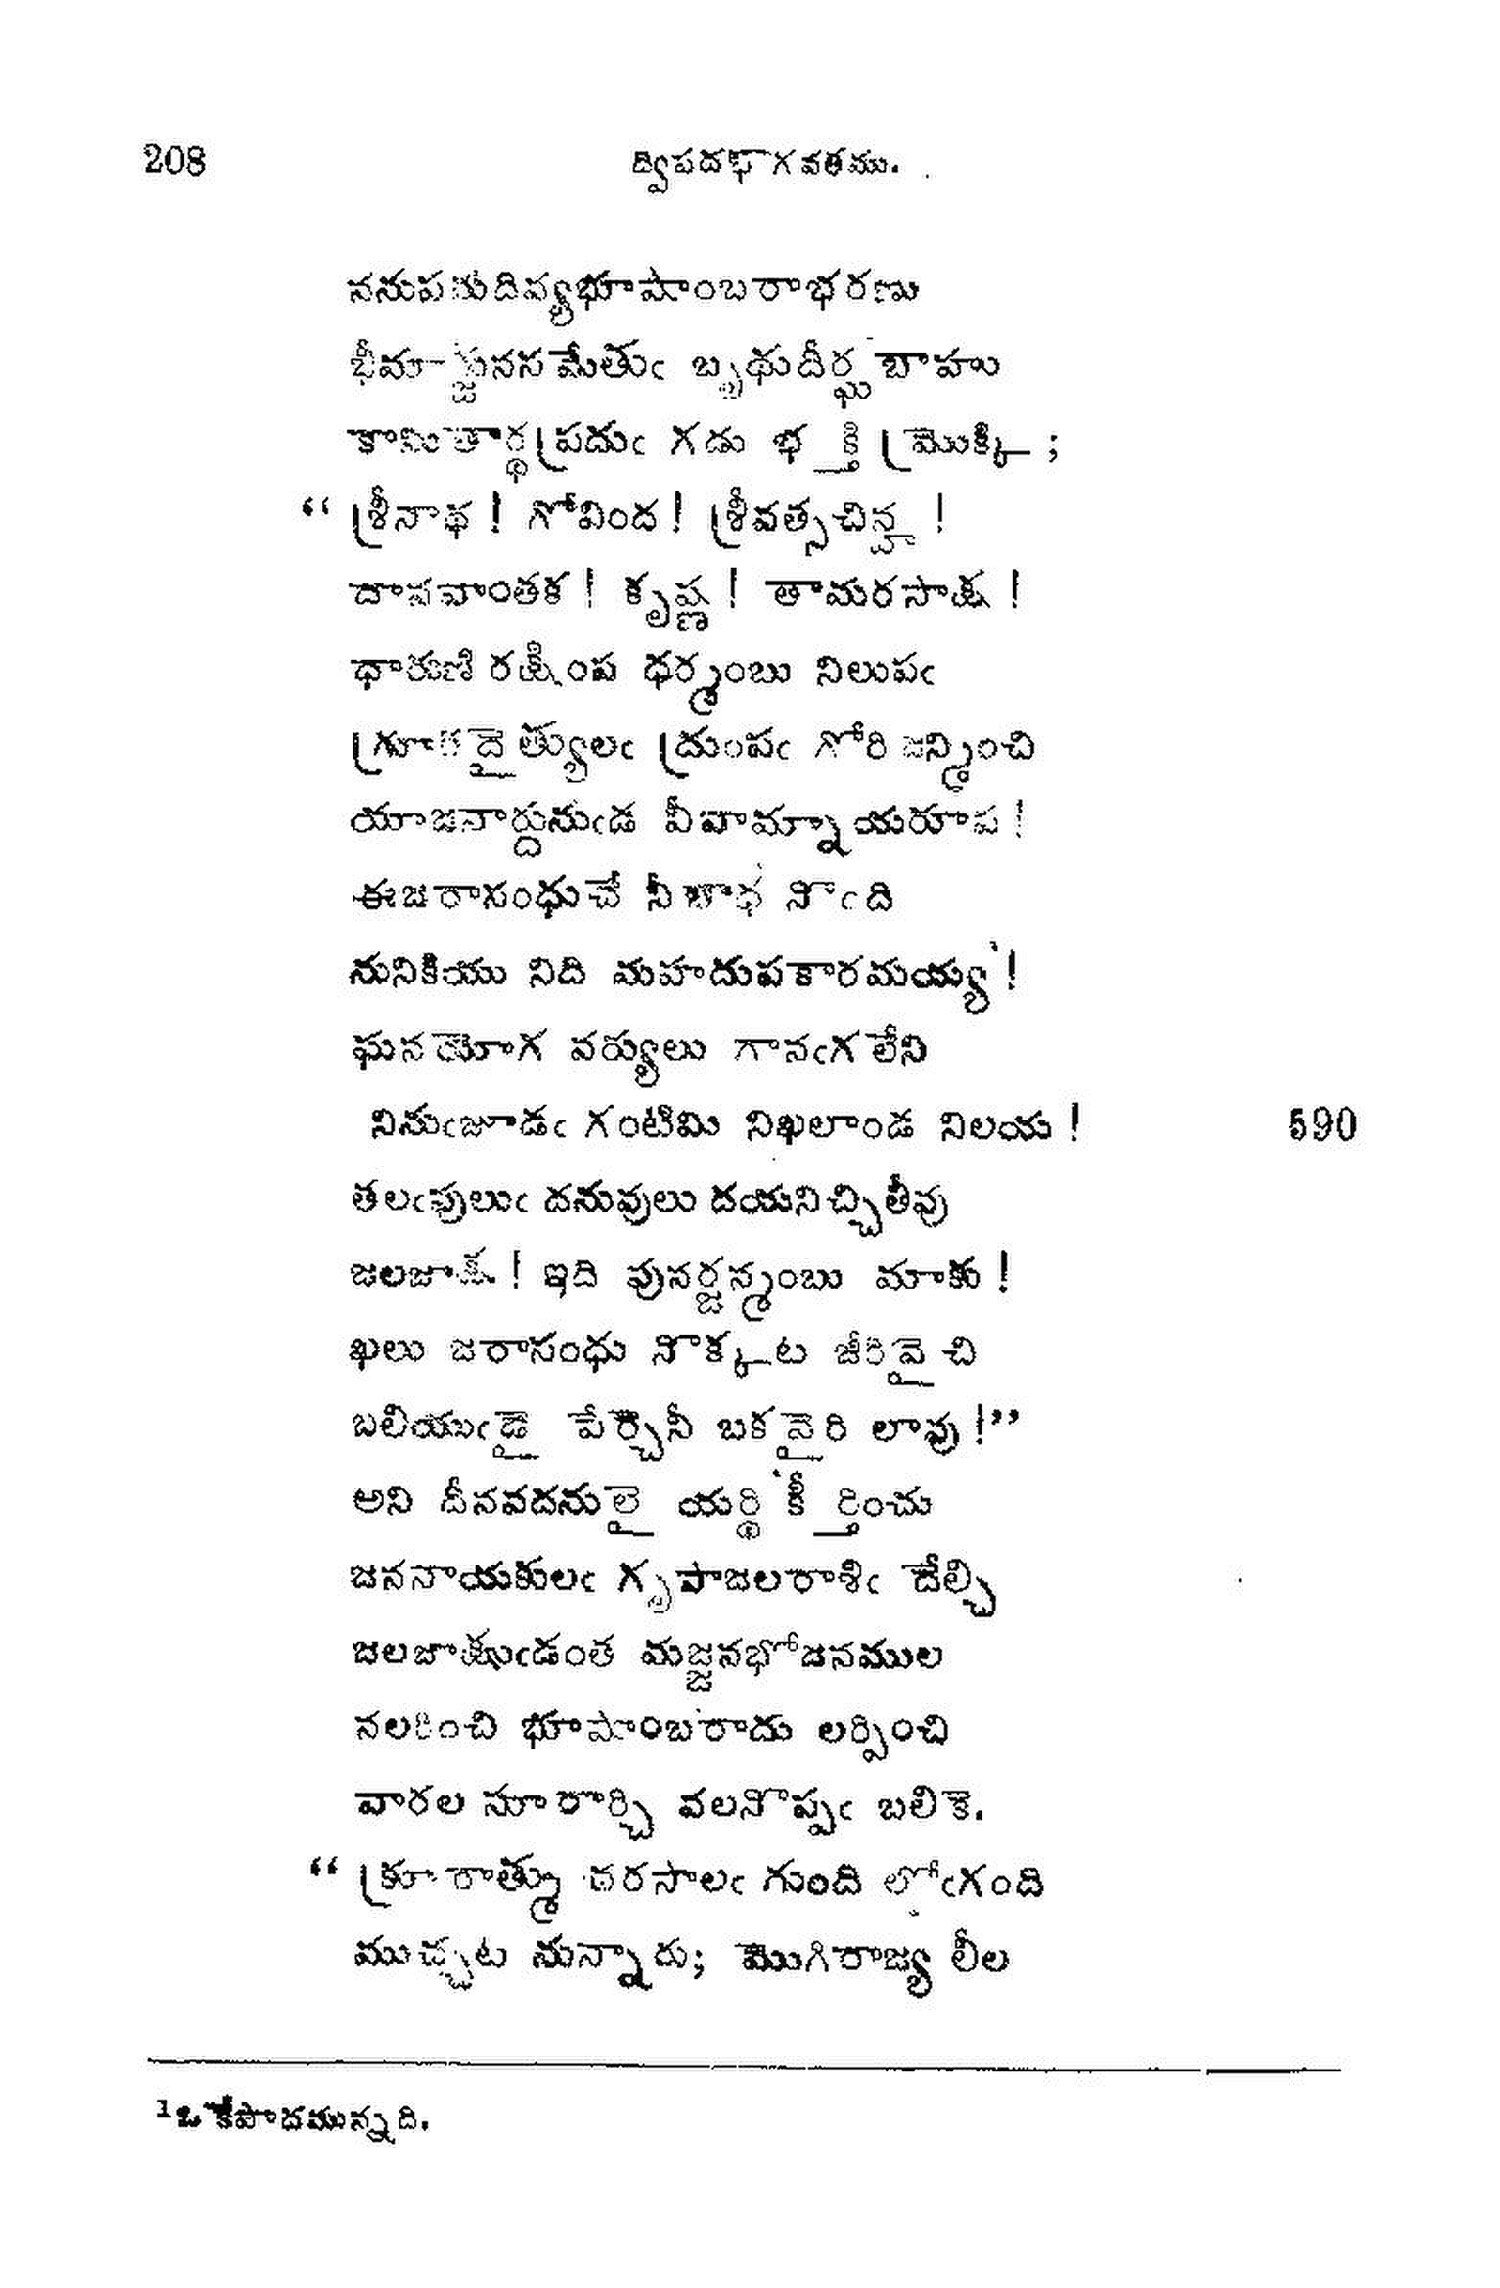ననుపమదివ్యభూషాంబరాభరణు
భీమార్జునసమేతుఁ బృథుదీర్ఘబాహు
కామితార్థప్రదుఁ గడు భక్తి మ్రొక్కి; 
“శ్రీనాథ! గోవింద! శ్రీవత్సచిన్హ! 
దానవాంతక! కృష్ణ! తామరసాక్ష! 
ధారుణి రక్షింప ధర్మంబు నిలుపఁ 
గ్రూరదైత్యులఁ ద్రుంపఁ గోరి జన్మించి
యాజనార్దునుఁడ వీవామ్నాయరూప! 
ఈ జరాసంధుచే నీబాధనొంది
నునికియు నిది మహదుపకారమయ్య! 
ఘనయోగవర్యులు గానఁగలేని
నినుఁజూడఁ గంటిమి నిఖిలాండ నిలయ!
తలఁపులుఁ దనువులు దయనిచ్చితీవు
జలజాక్ష! ఇది పునర్జన్మంబు మాకు! 
ఖలు జరాసంధు నొక్కట జీరివైచి
బలియుఁడై పేర్చెనీ బకవైరి లావు!” 
అని దీనవదనులై యర్థి కీర్తించు
జననాయకులఁ గృపాజలరాశిఁ దేల్చి
జలజాక్షుఁడంత మజ్జనభోజనముల
నలరించి భూషాంబరాదు లర్పించి
వారల నూరార్చి వలనొప్పఁ బలికె. 
“క్రూరాత్ము చరసాలఁ గుంది లోఁగంది
ముచ్చట నున్నారు; మొగిరాజ్య లీల